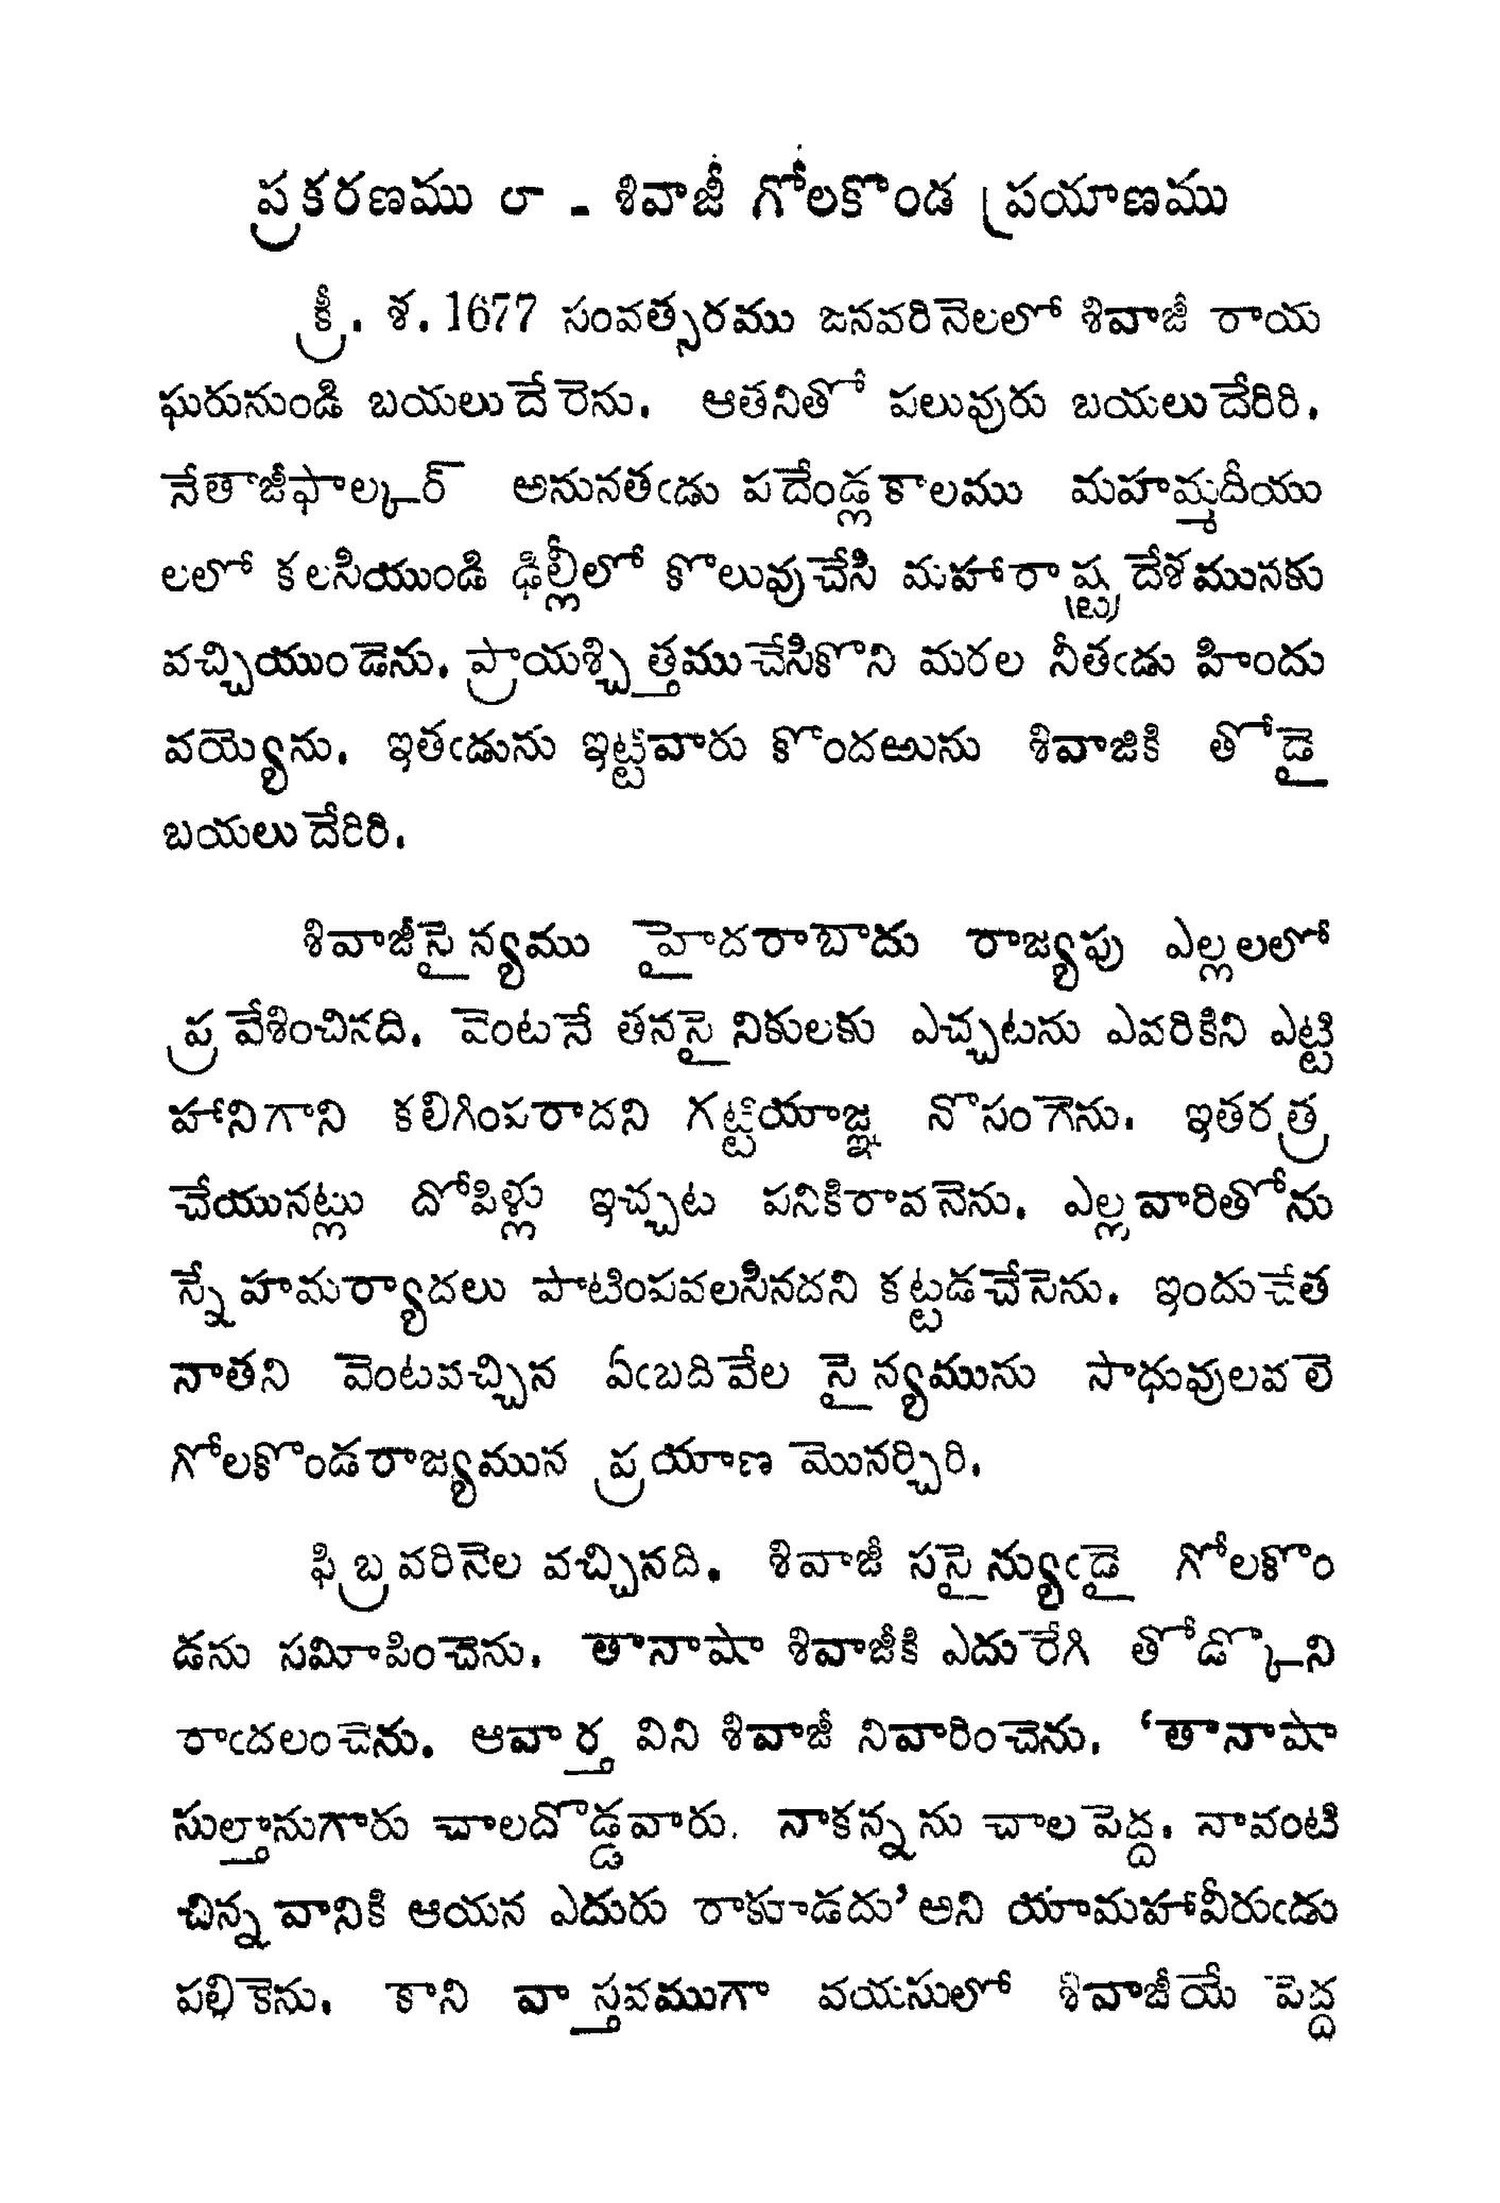ప్రకరణము ౮ - శివాజీ గోలకొండ ప్రయాణము

క్రీ. శ. 1677 సంవత్సరము జనవరినెలలో శివాజీ రాయఘరునుండి బయలుదేరెను. ఆతనితో పలువురు బయలుదేరిరి. నేతాజీఫాల్కర్ అనునతఁడు పదేండ్లకాలము మహమ్మదీయులలో కలసియుండి ఢిల్లీలో కొలువుచేసి మహారాష్ట్రదేశమునకు వచ్చియుండెను. ప్రాయశ్చిత్తముచేసికొని మరల నీతఁడు హిందువయ్యెను. ఇతఁడును ఇట్టివారు కొందఱును శివాజికి తోడై బయలుదేరిరి.

శివాజీసైన్యము హైదరాబాదు రాజ్యపు ఎల్లలలో ప్రవేశించినది. వెంటనే తనసైనికులకు ఎచ్చటను ఎవరికిని ఎట్టి హానిగాని కలిగింపరాదని గట్టియాజ్ఞ నొసంగెను. ఇతరత్ర చేయునట్లు దోపిళ్లు ఇచ్చట పనికిరావనెను. ఎల్లవారితోను స్నేహమర్యాదలు పాటింపవలసినదని కట్టడచేసెను. ఇందుచేత నాతని వెంటవచ్చిన ఏఁబదివేల సైన్యమును సాధువులవలె గోలకొండరాజ్యమున ప్రయాణ మొనర్చిరి.

ఫిబ్రవరినెల వచ్చినది. శివాజీ ససైన్యుఁడై గోలకొండను సమీపించెను. తానాషా శివాజీకి ఎదురేగి తోడ్కొని రాఁదలంచెను. ఆవార్త విని శివాజీ నివారించెను. ‘తానాషా సుల్తానుగారు చాలదొడ్డవారు. నాకన్నను చాలపెద్ద. నావంటి చిన్నవానికి ఆయన ఎదురు రాకూడదు’ అని యామహావీరుఁడు పలికెను. కాని వాస్తవముగా వయసులో శివాజీయే పెద్ద